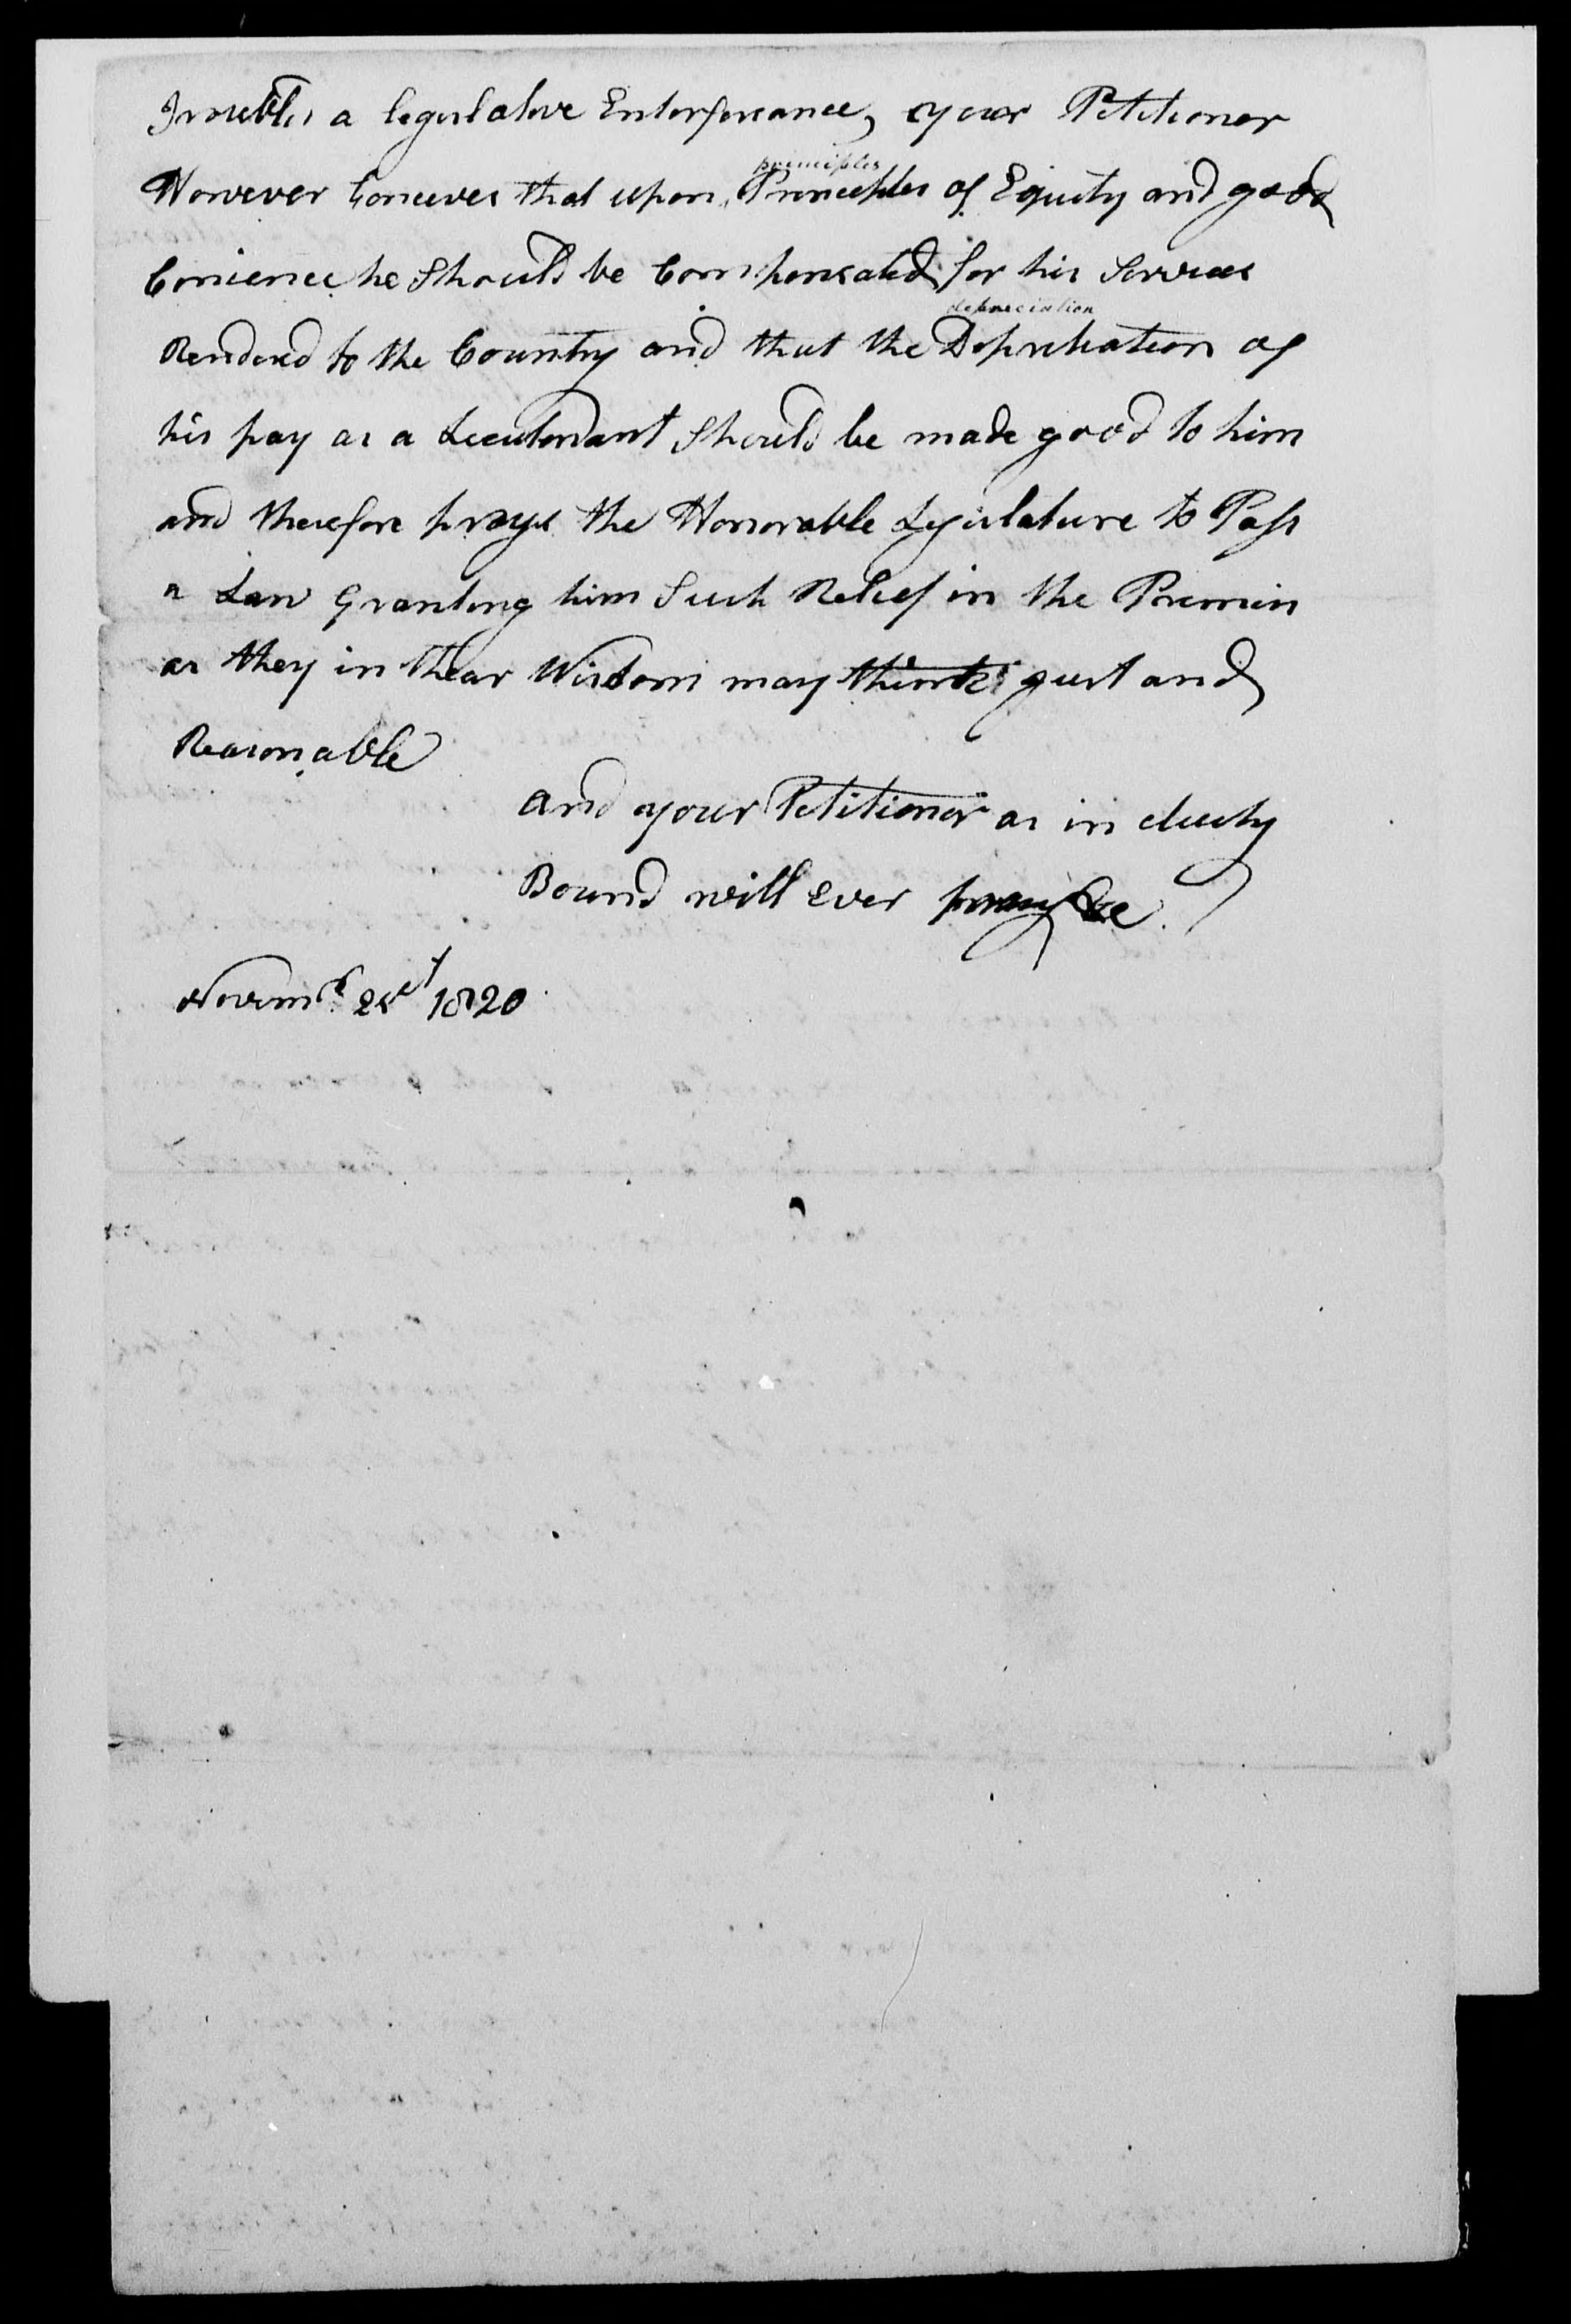Troubled a legislative interference, your Petitioner However Consider that upon principles of Equity and good Conscience he should be compensated for his Services Rendered to the Country and that the Depreciation of his pay as a Lieutenant should be made good to him and therefore prays the Honorable Legislature to pass a Law granting him such relief in the Premiss as they in their wisdom may think just and Reasonable
and your Petitioner as in duty Bound will ever pray &c. 
Nov 21st 1820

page: 7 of 83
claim: widow's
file: W. 5946, John Brandon, Penn